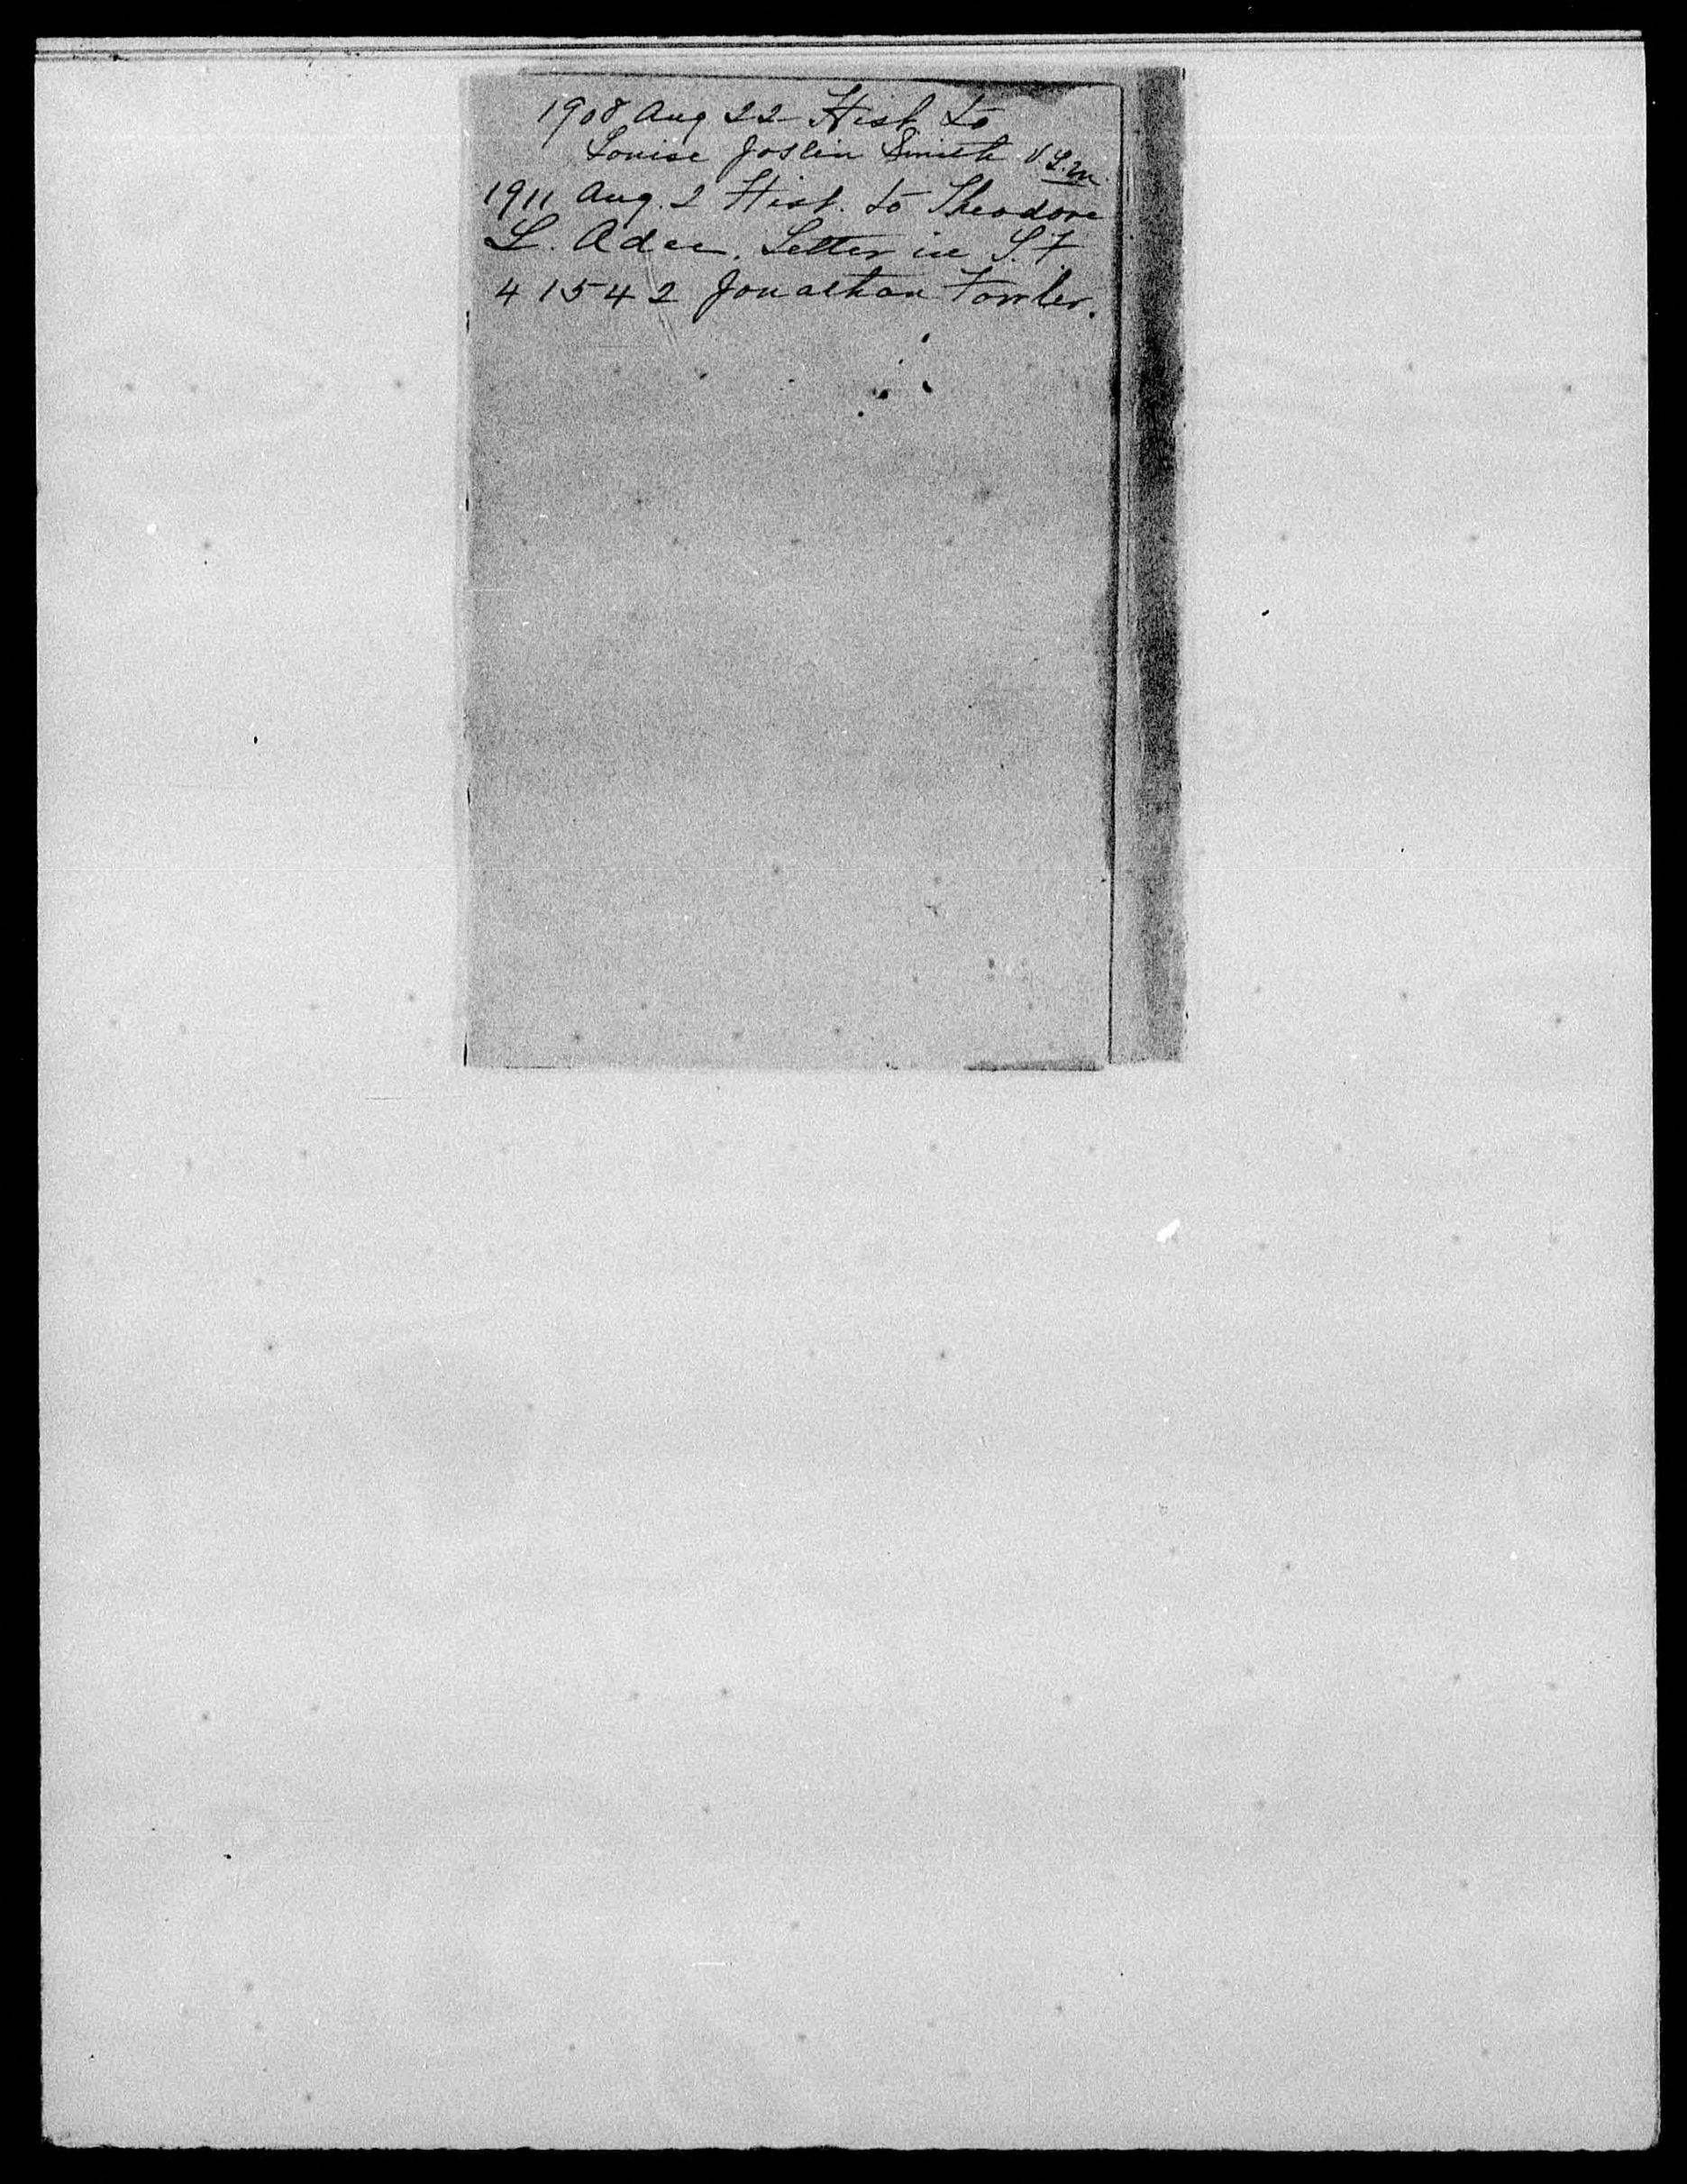1908 Aug 22 - Hist to Louise Joslin Smith V.L.M.
1911 Aug 2 Hist. to Theodore L. Adee. Letter in L.F. 41542 Jonathan Fowler.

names: Theodore L Adee, Jonathan Fowler, Louise Joslin Smith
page: 17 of 44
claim: survivor's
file: S. 23639, Jonathan Fowler, New York